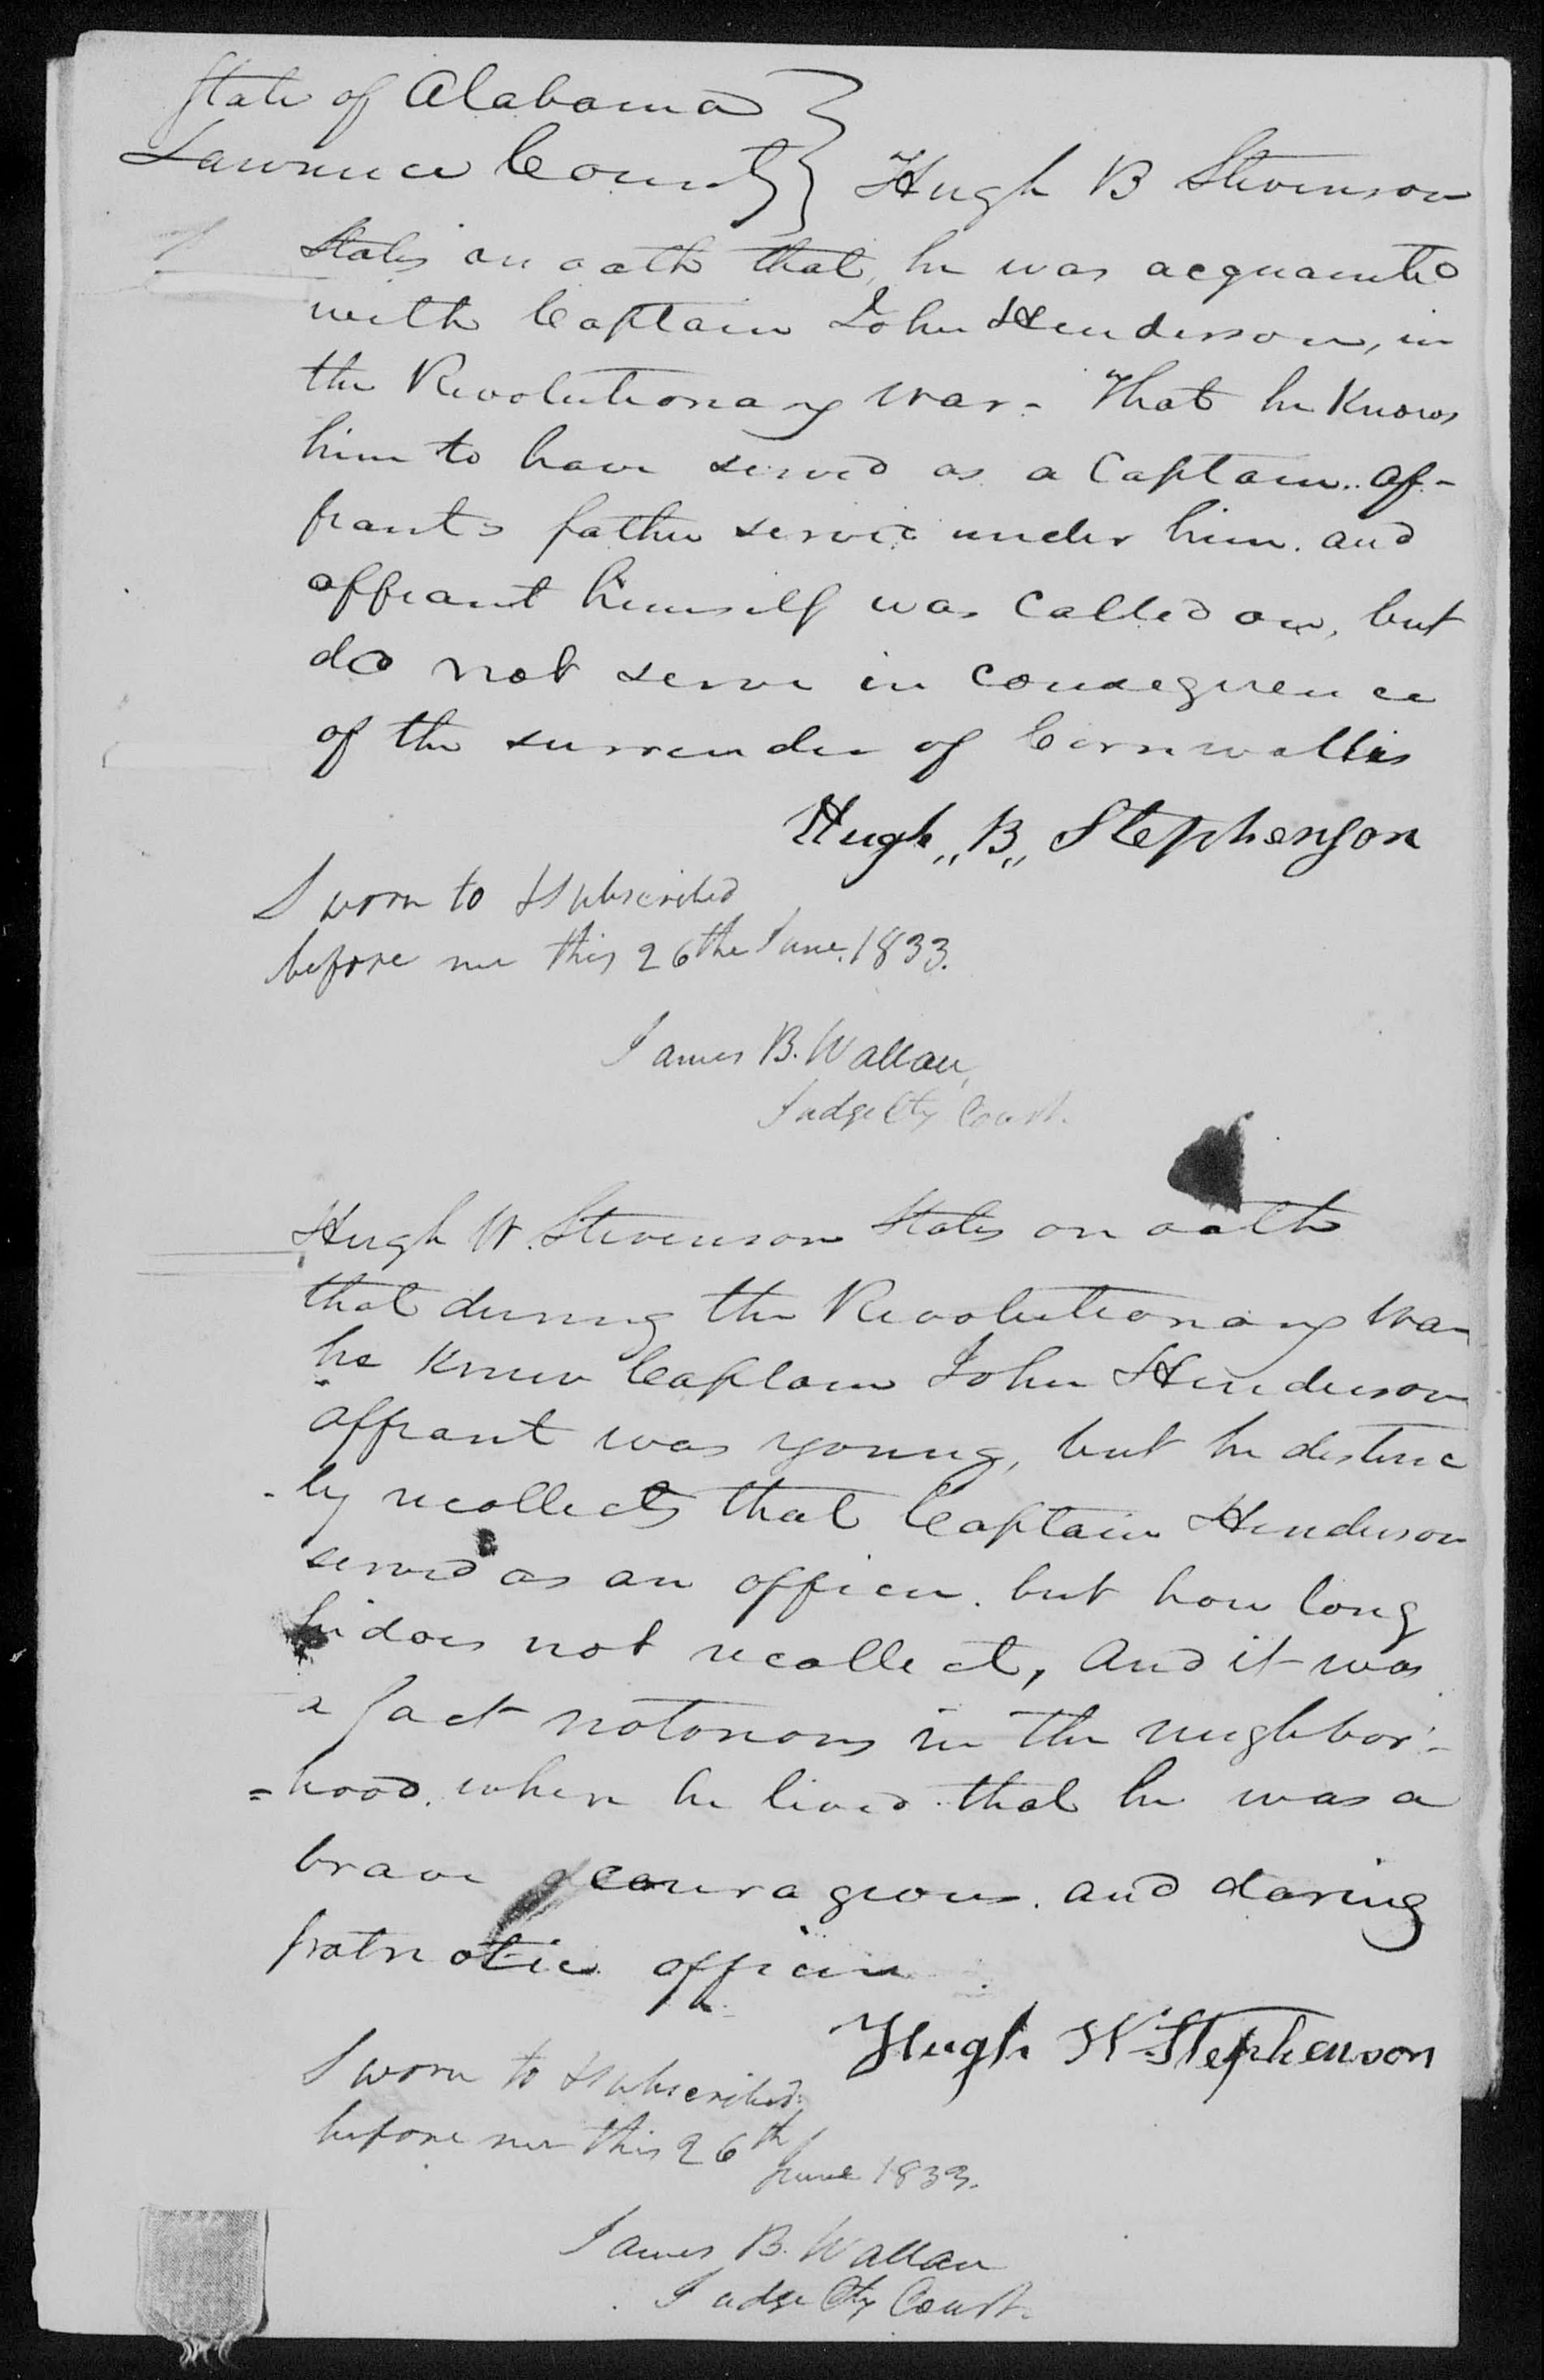State of Alabama
Lawrence County
Hugh B Stevenson states an oath that he was acquainted with Captain John Henderson, in the Revolutionary War. That he knows him to have served as a Captain.. Affiants father served under him, and affiant himself was called on but did not serve in consequence of the surrender of Cornwallis
Hugh..B..Stephenson
Sworn to & subscribed
before me this 26th June 1833.
James B. Wallace
Judge Cty Court

Hugh W Stevenson States an oath that during the Revolutionary War he knew Captain John Henderson affiant was young, but he distinctly recollects that Captain Henderson served as an officer, but how long he does not recollect, and it was a fact notorious in the neighborhood, where he lived that he was a brave & courageous, and daring patriotic officer
Hugh W Stephenson
Sworn to & subscribed
before me this 26th June 1833.
James B. Wallace
Judge Cty Court.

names: John Henderson, Hugh B Stephenson, James B Wallace, Cornwallis, Henderson, James B Wallace, Hugh B Stevenson, Hugh W Stephenson, Hugh W Stevenson, John Henderson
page: 38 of 40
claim: rejected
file: R. 4,869, John Henderson, S.C.